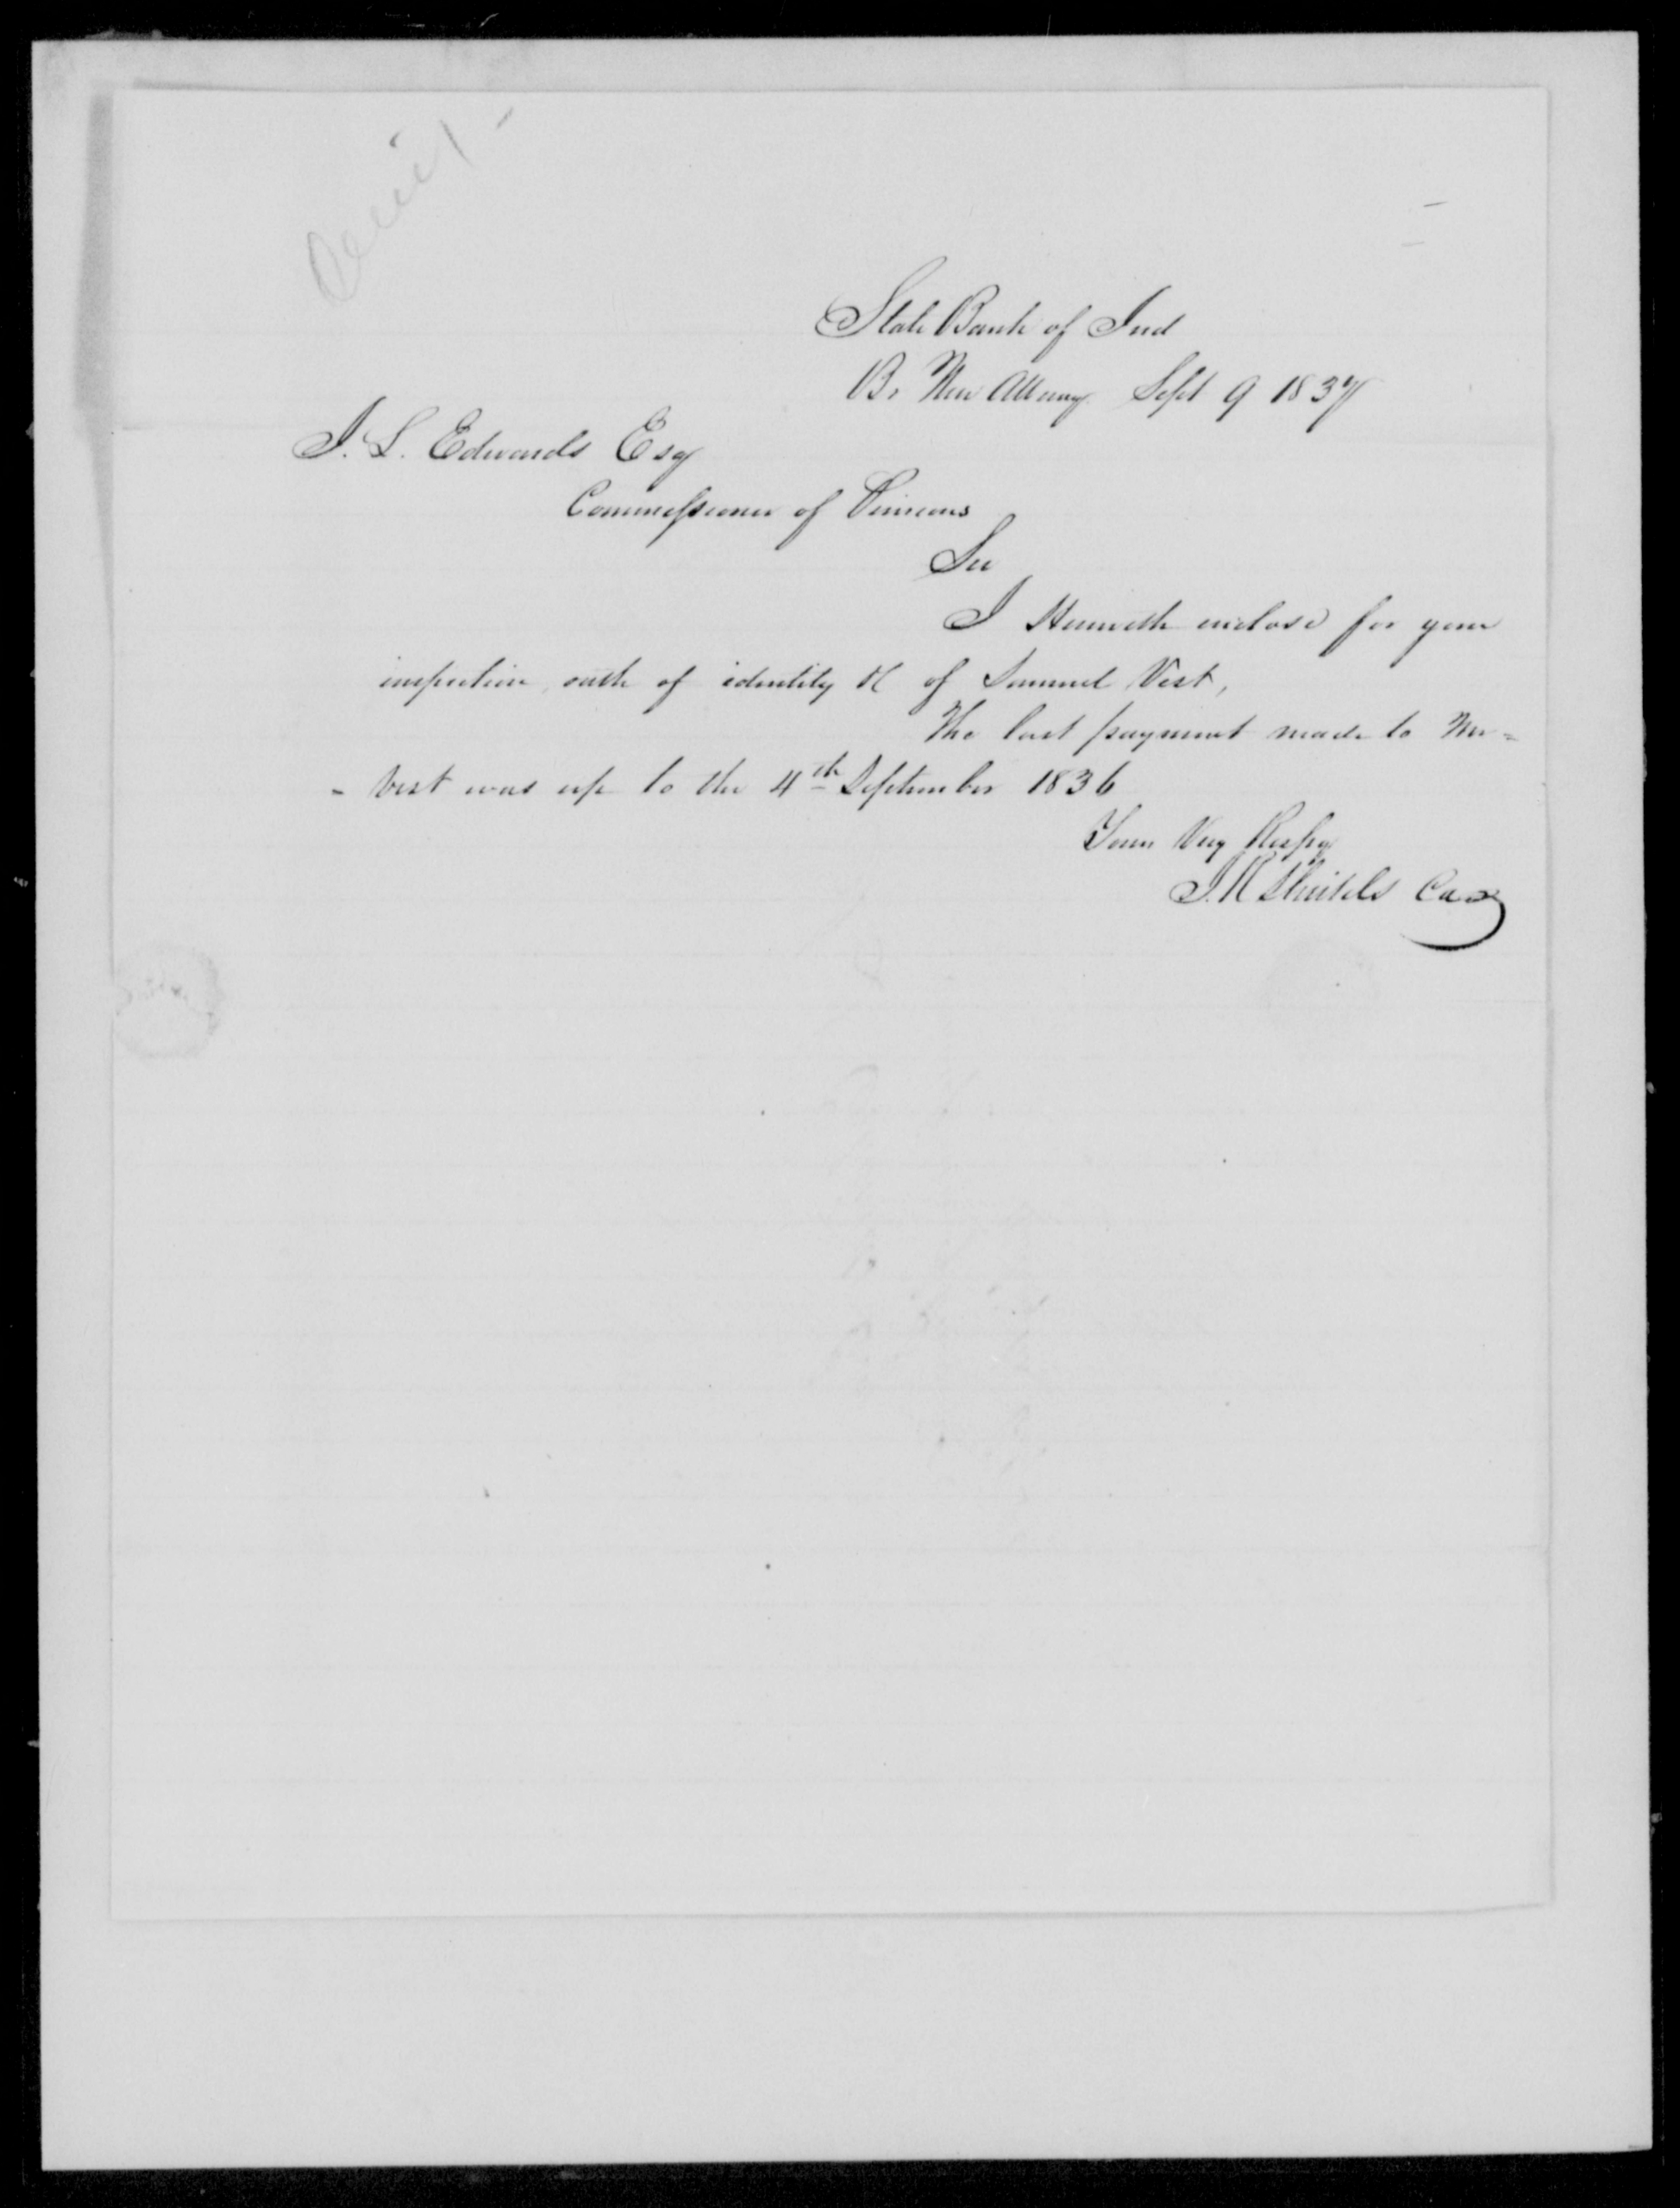State Bank of Ind
Br New Albany Sept 9 1837
J. L. Edwards Esq
Commissioner of Pensions
Sir
I Herewith enclose for your inspection, oath of identity &c of Samuel Vest,
The last payment made to Mr Vest was up to the 4th September 1836
Yours Very Respy,
J. R Shields Caas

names: J R Shields, J L Edwards, Samuel Vest, Wm Vest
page: 15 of 15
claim: survivor's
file: S. 16,563, Samuel Vest, Va.